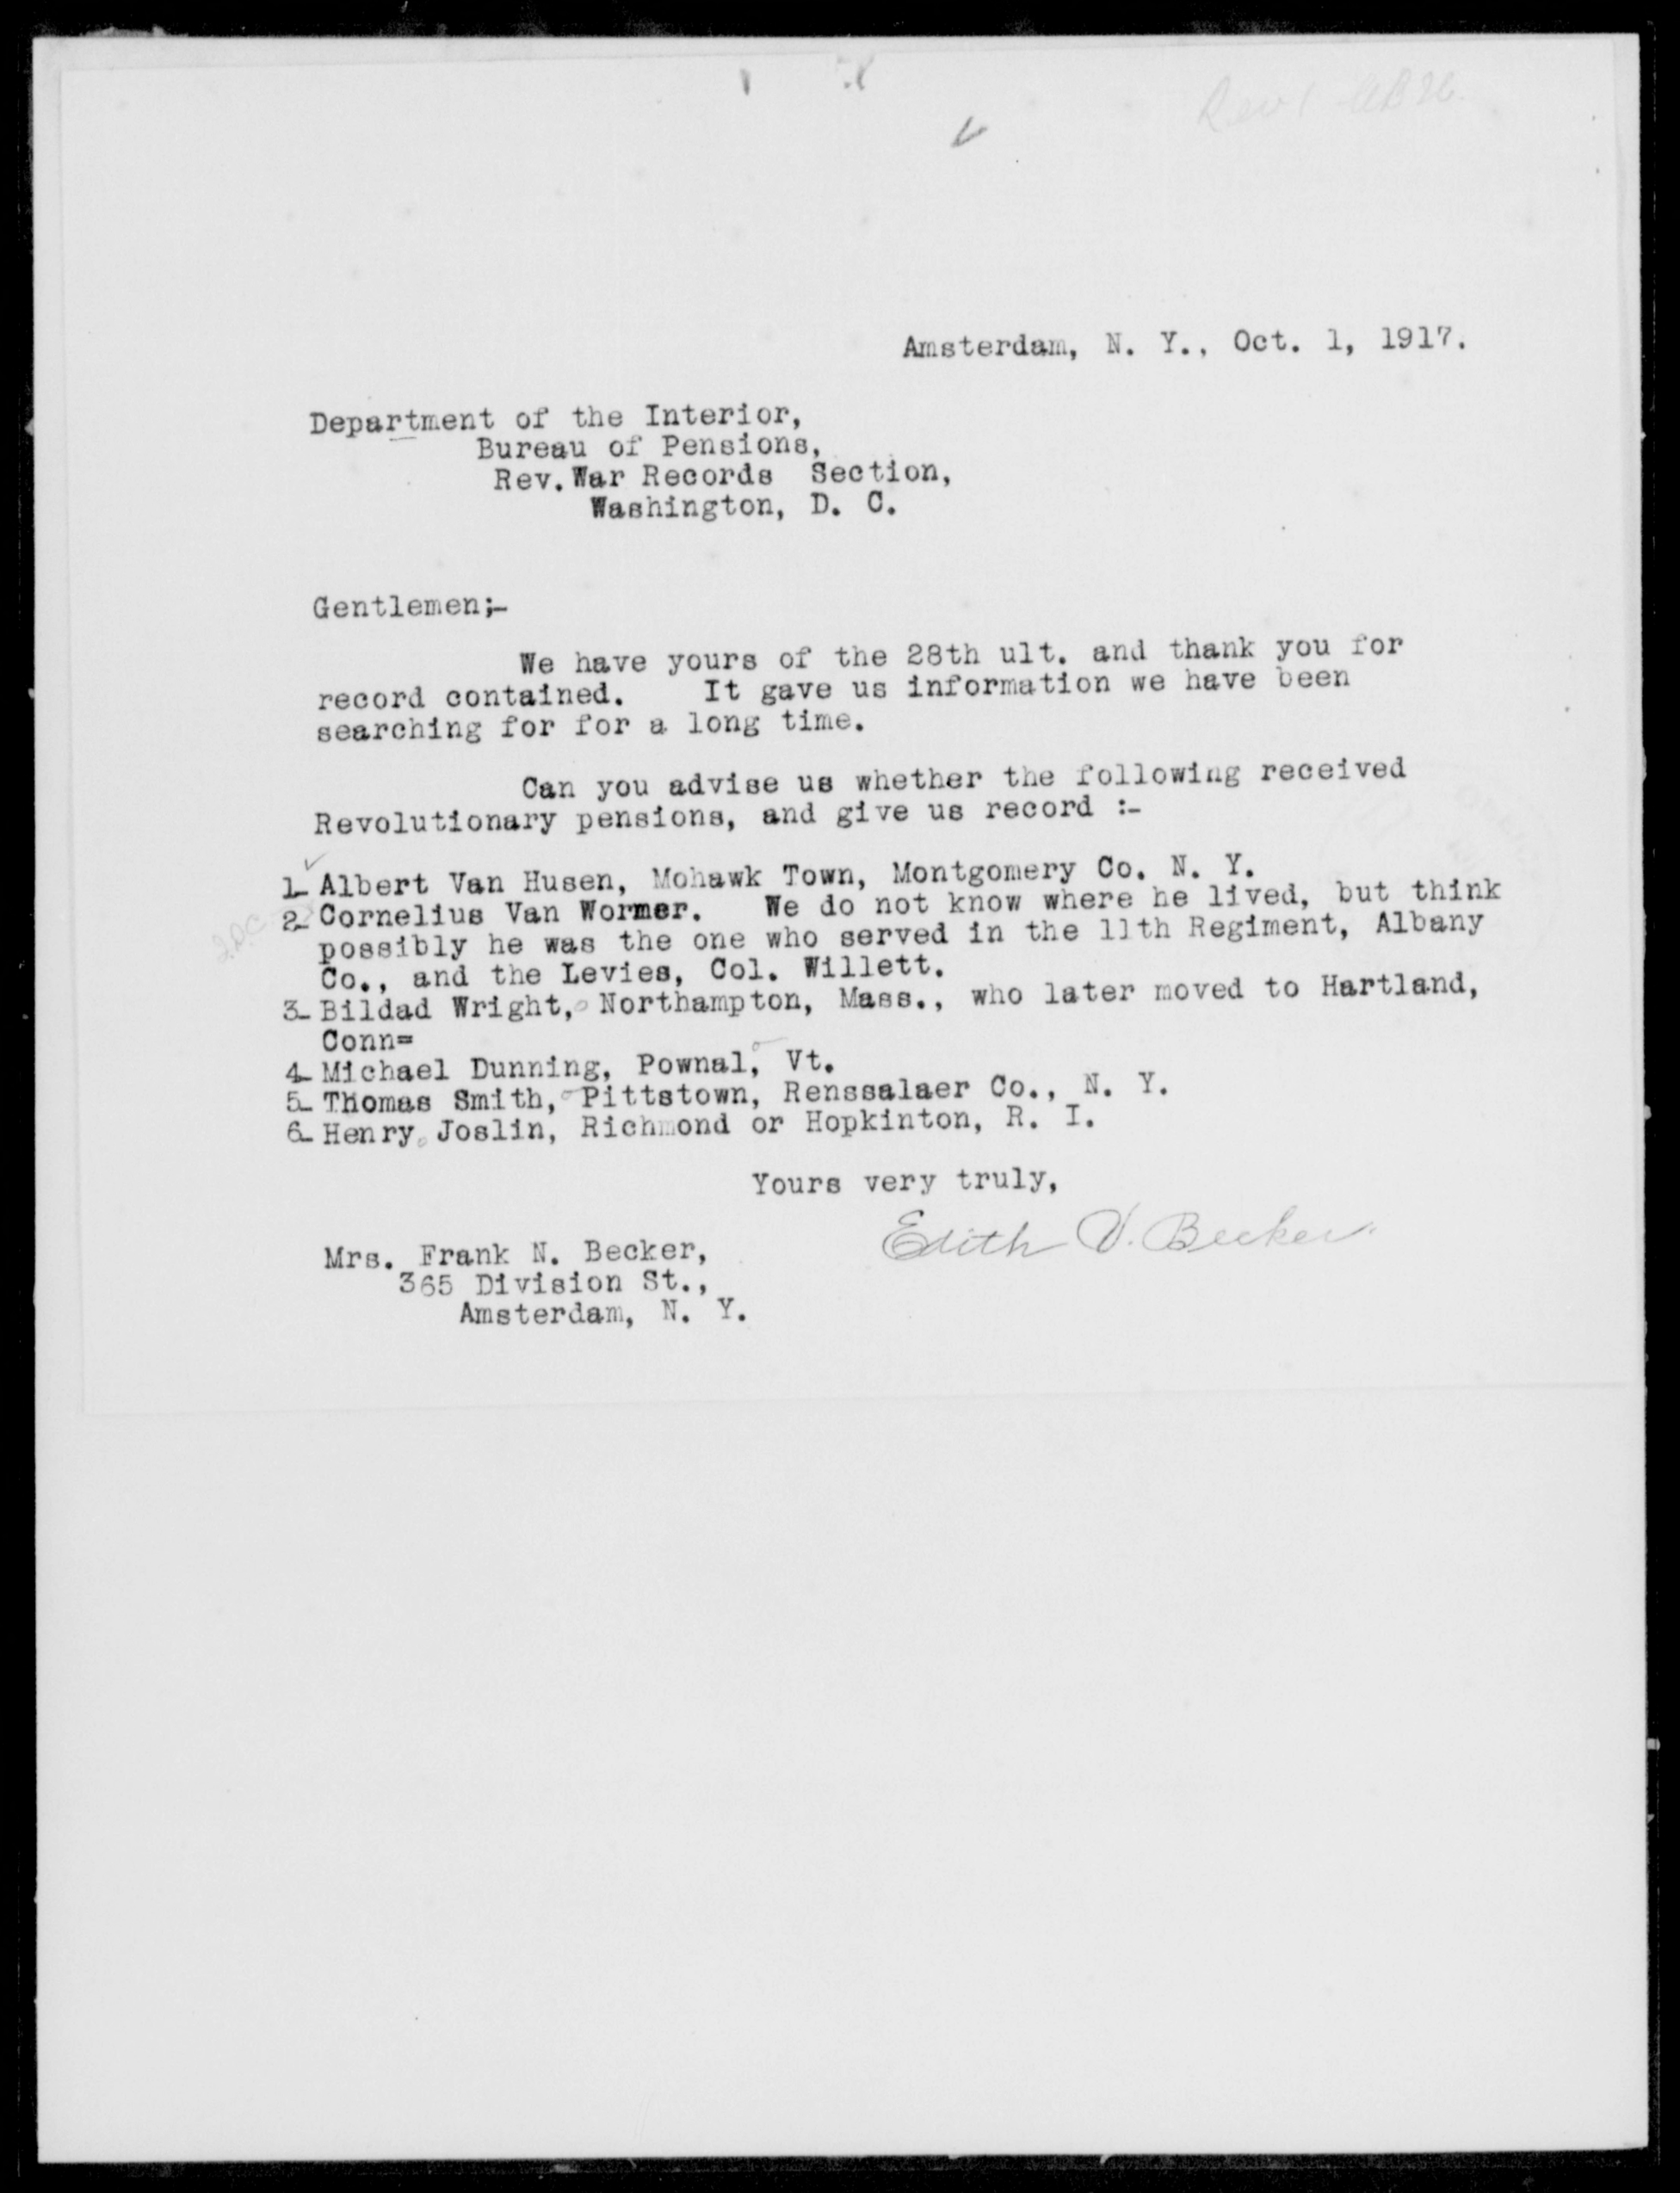Amsterdam, N. Y., Oct. 1, 1917. 
Department of the Interior, 
Bureau of Pensions, 
Rev. War Records Section, 
Washington, D. C. 

Gentlemen:- 
We have yours of the 28th ult. and thank you for record contained. It gave us information we have been searching for for a long time. 
Can you advise us whether the following received Revolutionary pensions, and give us record :-
1- Albert Van Husen, Mohawk Town, Montgomery Co. N. Y. 
2- Cornelius Van Wormer. We do not know where he lived, but think possibly he was the one who served in the 11th Regiment, Albany Co., and the Levies, Col. Willett. 
3- Bildad Wright, Northampton, Mass., who later moved to Hartland, Conn- 
4- Michael Dunning, Pownal, Vt. 
5- Thomas Smith, Pittstown, Renssalaer Co., N. Y. 
6- Henry Joslin, Richmond or Hopkinton, R. I. 
Yours very truly, 
[signed] Edith V. Becker 

Mrs. Frank N. Becker, 
365 Division St., 
Amsterdam, N. Y.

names: Frank N Becker, Edith V Becker, Thomas Smith, Michael Dunning, Willett, Bildad Wright, Cornelius Van Wormer, Henry Joslin, Albert Van Husen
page: 42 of 57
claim: survivor's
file: S. 28,925, Albert Van Housen, New York